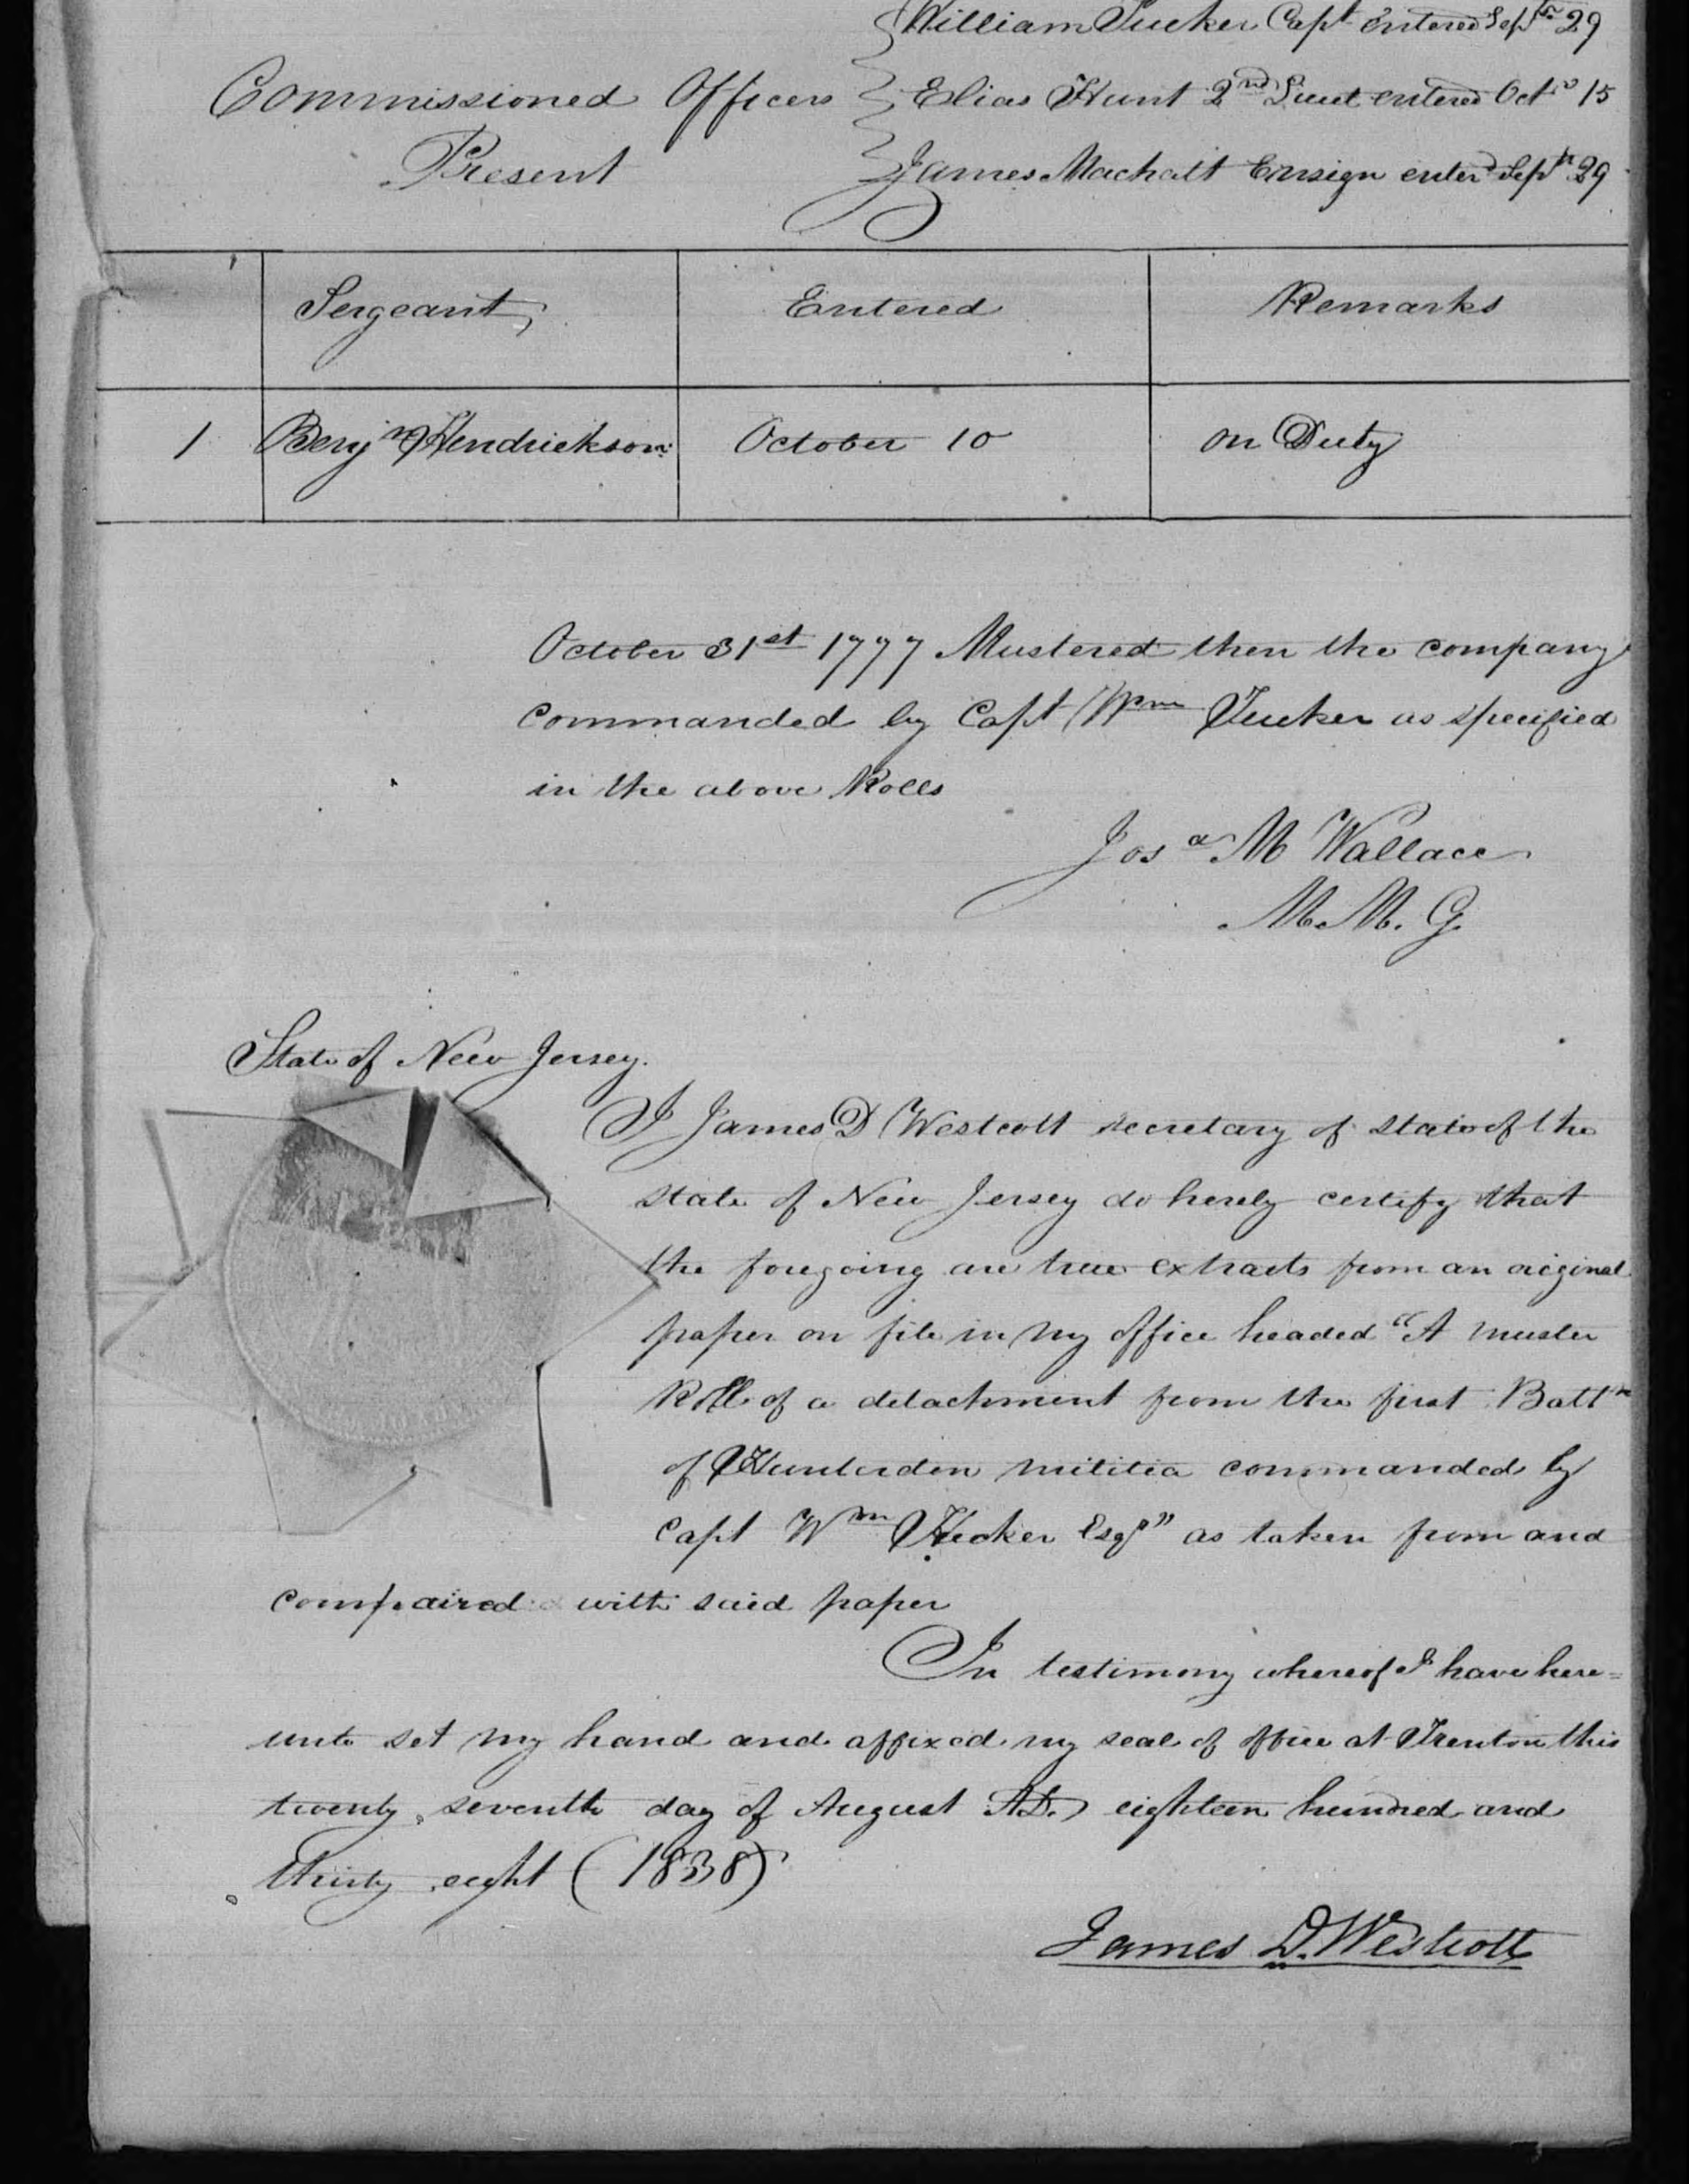Commissioned Officers} 
Present}

William Tucker Capt. entered Septr 29
Elias Hunt 2nd Lieut entered Octr 15
James Machalt Ensign enterd Septr 29

Sergeant|
Benj Hendrickson|

Entered|
October 10|

Remarks|
on Duty|

October 31st 1777. Mustered then the company commanded by Capt. Wm. Tucker as specified in the above Rolls
Josa. M. Wallace
M. M. G. 

State of New Jersey.
I James D. Westcott Secretary of State of the State of New Jersey do hereby certify that the foregoing are true extracts from an original paper on file in my office headed "A muster Roll of a detachment from the first Battn of Hunterdon Militia commanded by Capt. Wm. Tucker Esqr" as taken from and compared with said paper
In testimony whereof I have hereunto set my hand and affixed my seal of office at Trenton this twenty seventh day of August A. D. eighteen hundred and thirty eight (1838)
James D. Westcott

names: James D Westcott, Josa M Wallace, Wm Tucker, William Tucker, Elias Hunt, Wm Tucker, James Machatt, Benjn Hendrickson, James D Westcott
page: 13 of 20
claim: rejected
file: R. 4884, Benjamin Hendrickson, New Jersey